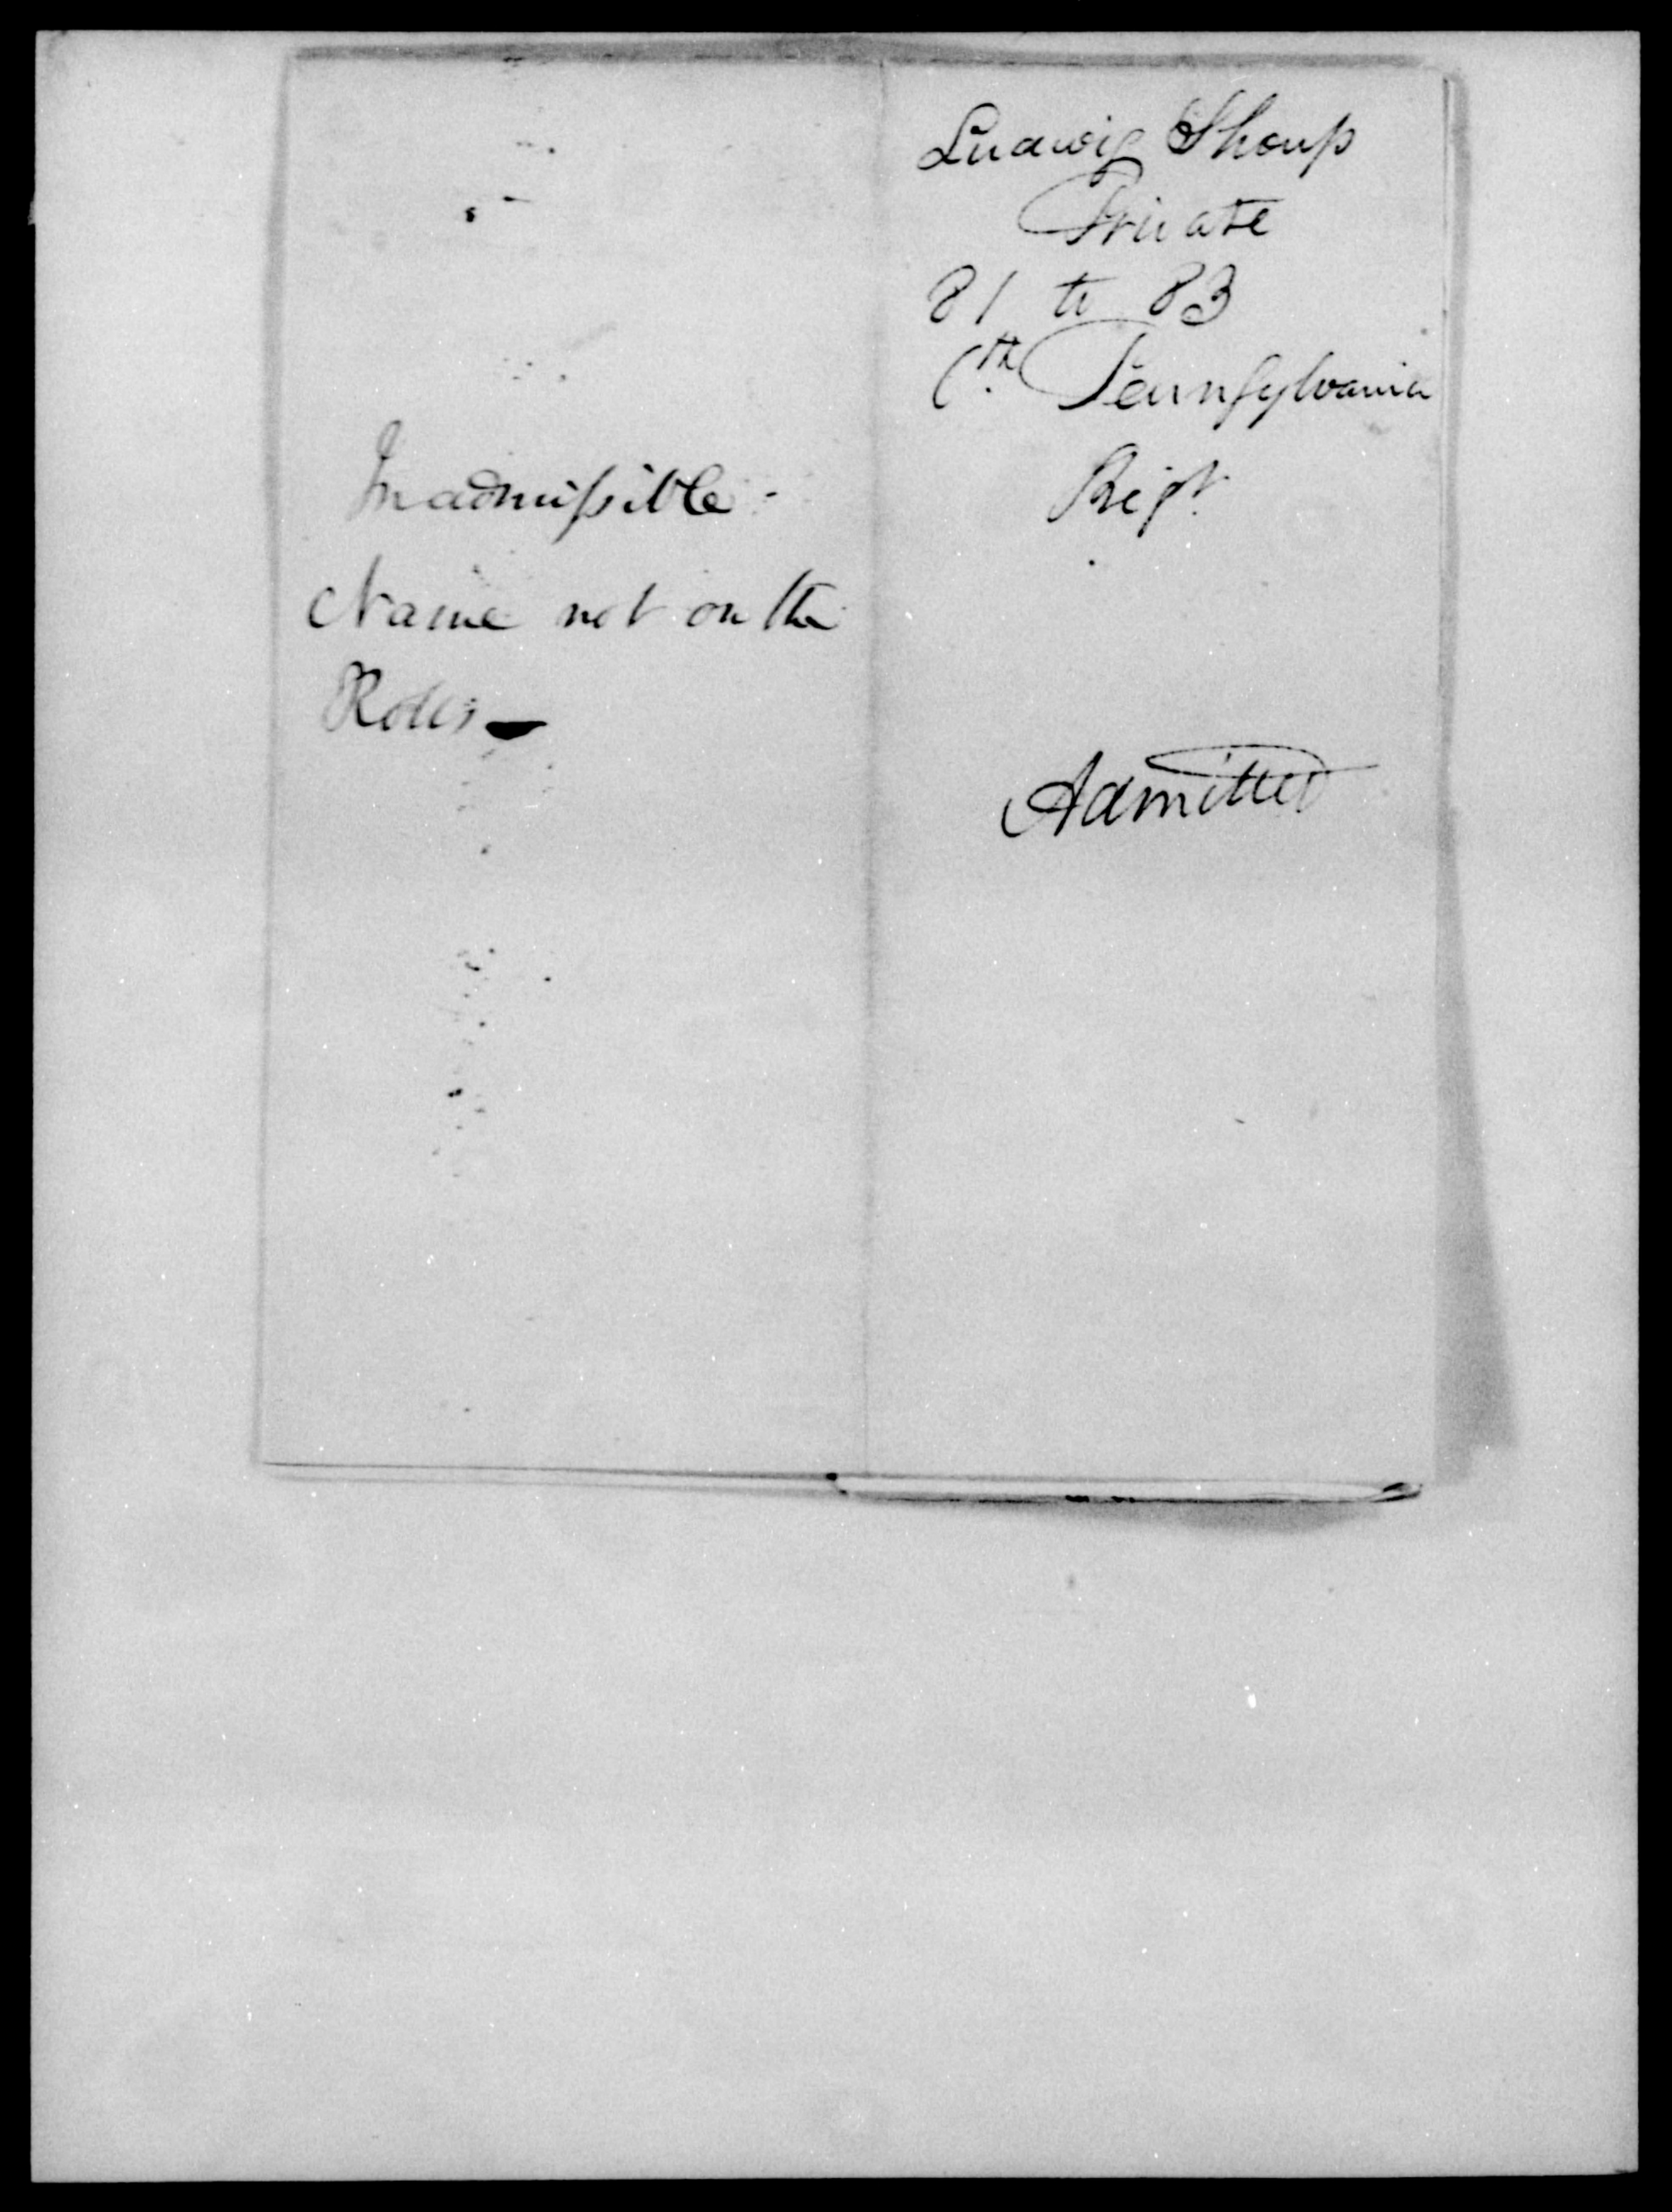Ludwig Shoup
Private
81 to 83
6th Pennsylvania Regt.

ADMITTED

Inadmissible
Name not on the Rolls.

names: Ludwig Shoup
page: 18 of 19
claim: survivor's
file: S. 40410, for Ludwig Shoup, Pennsylvania